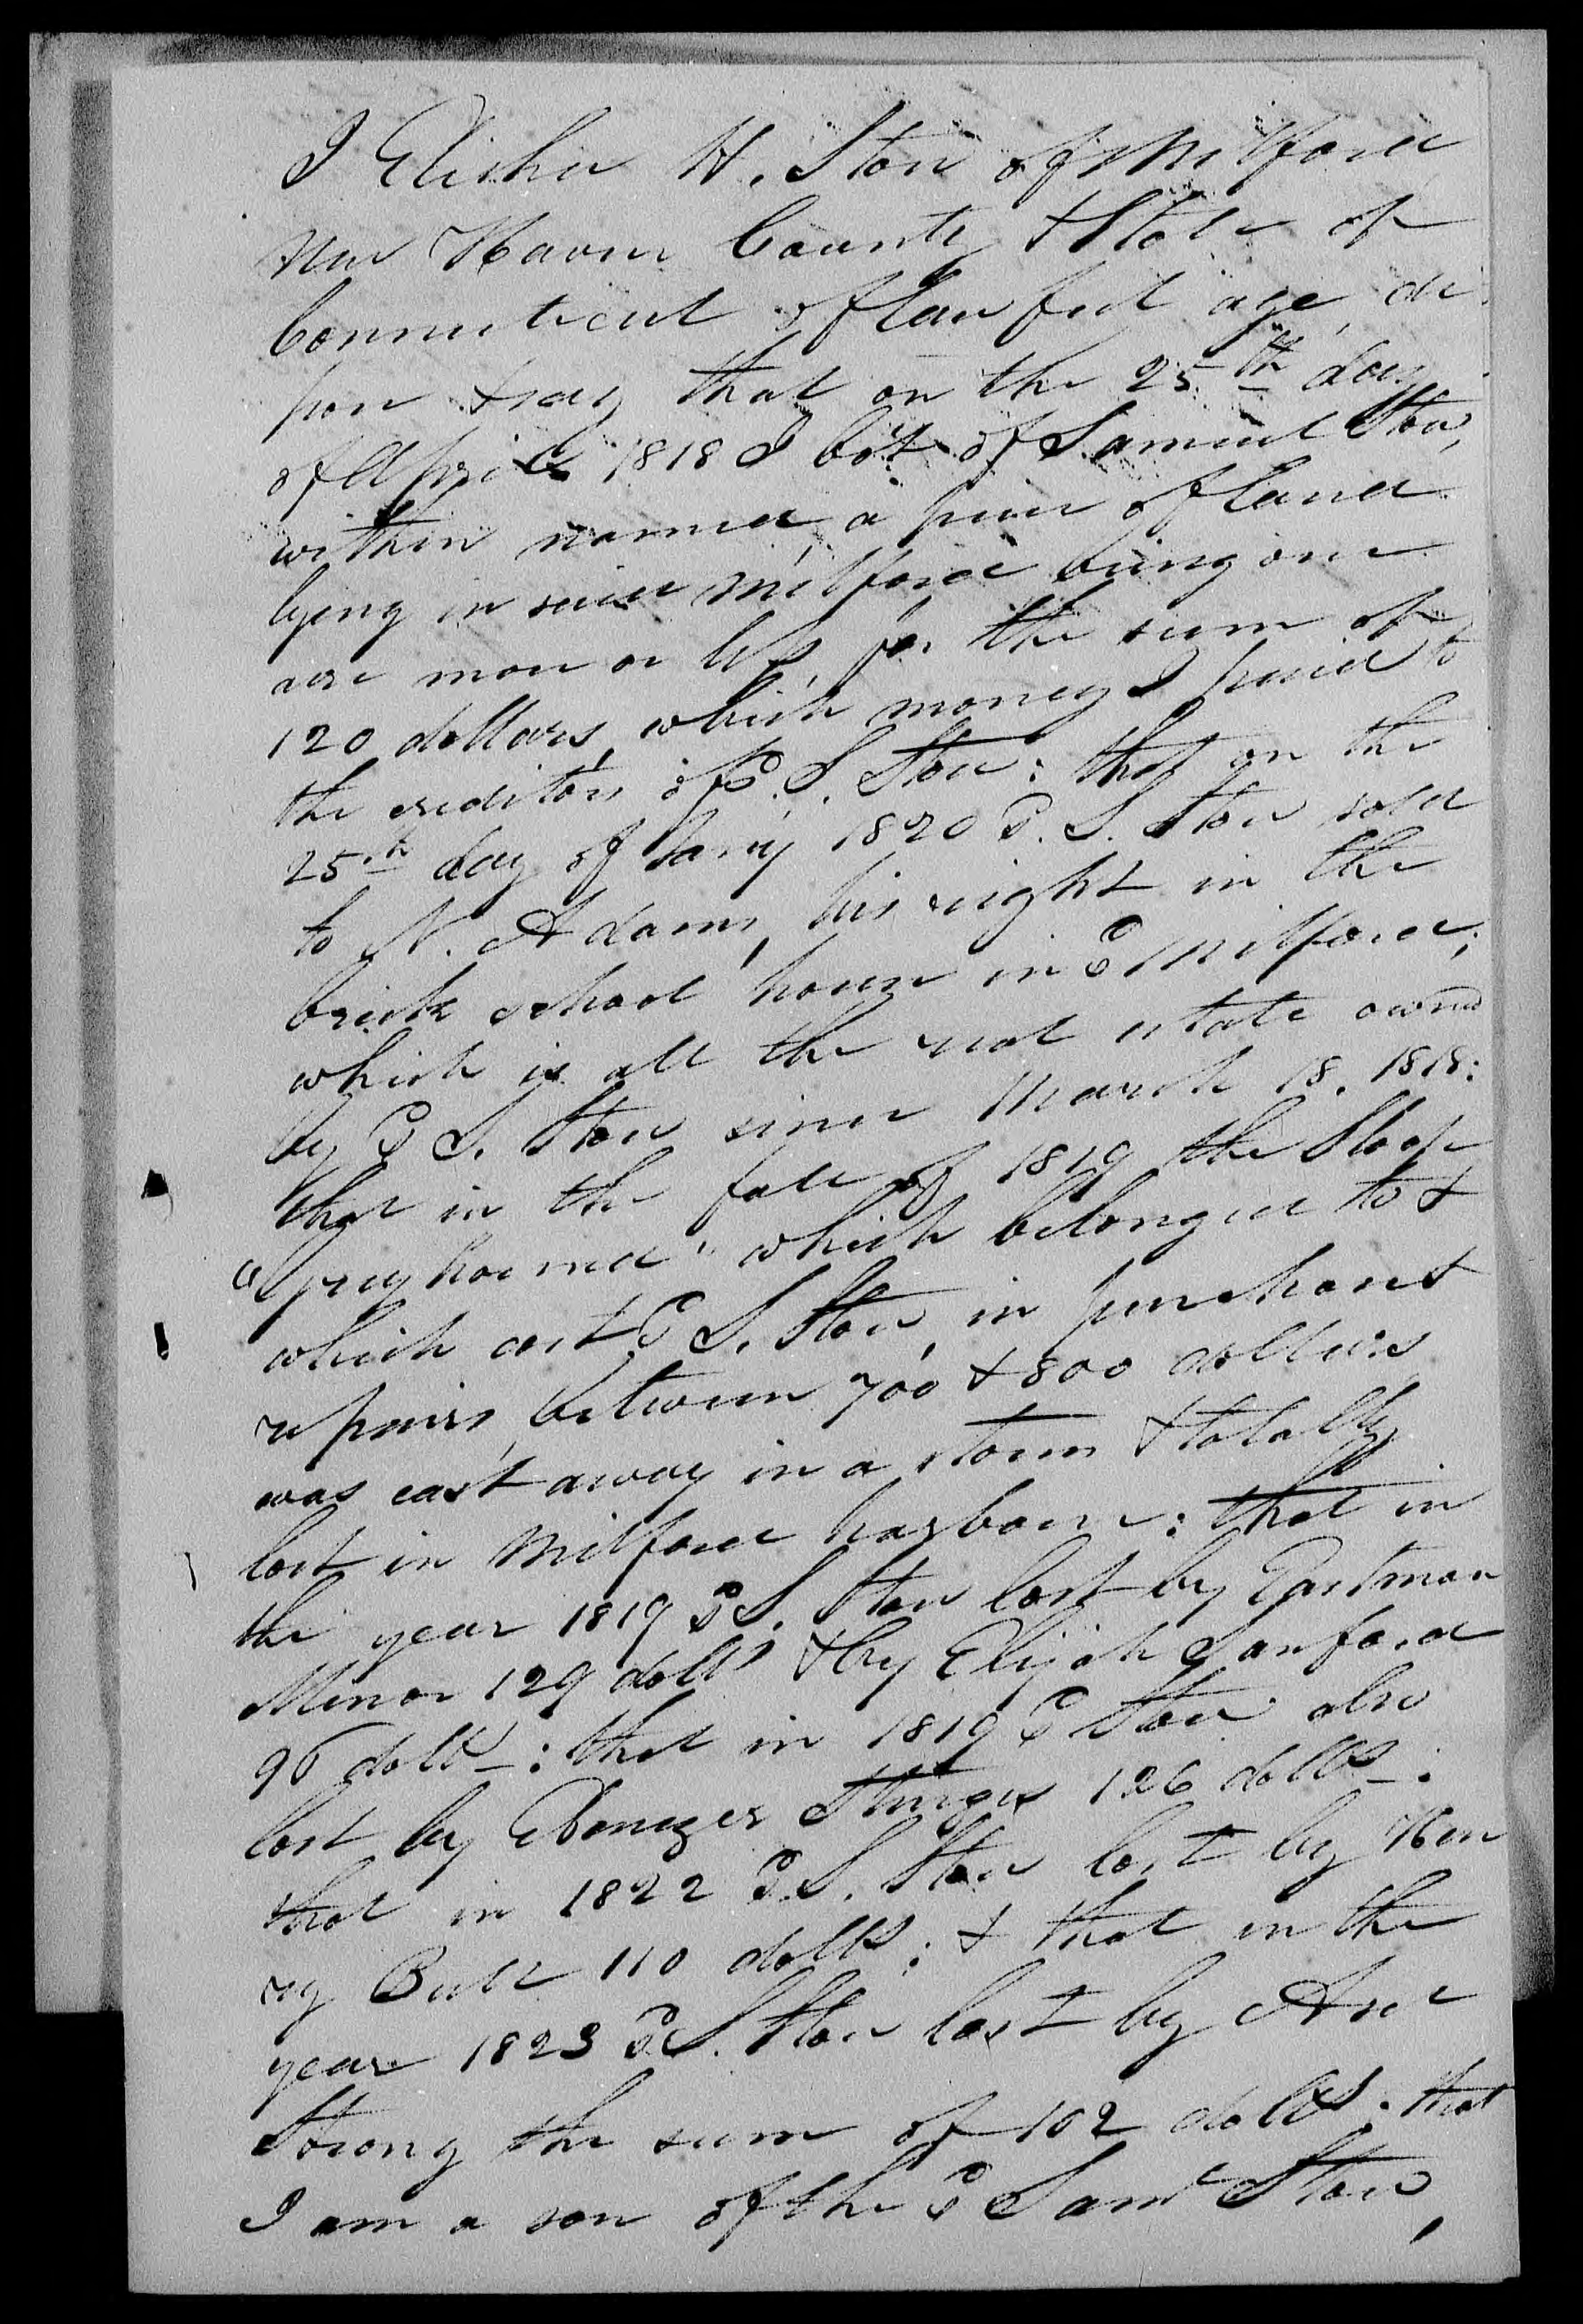I Elisha H. Stow of Milford, New Haven County & State of Connecticut, of lawful age, depose & say that on the 25th day of April 1818 I bought of Samuel Stow, within named, a piece of land lying in said Milford, being one acre more or less, for the sum of 120 dollars which money I paid to the creditors of S. Stow:  that on the 25th day of Jany 1820, said Stow sold
to N. Adams his right in the brick school house in Milford; which is all the real estate owned
by S. Stow since March 18 1818:  that in the fall of 1819 the sloop "Greyhound" which belonged to & which cost said S. Stow in purchase & repairs between 700 & 800 dollars,
was cast away in a storm & totally lost in Milford harbour:  that in the year 1819 said S. Stow lost by Eastman Minor 129 dollars & by Elijah Sanford 96 dollars:  that in 1819 said Stow lost by Ebenezer Sturges 126 dollars;
that in 1822, said S. Stow lost by Henry Bull 110 dollars: & that in the year 1823 said S. Stow lost by As'l Strong the sum of 102 dollars.  That I am a son of the said Sam'l Stow,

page: 32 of 42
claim: survivor's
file: S. 36,819, for Samuel Stow, Connecticut